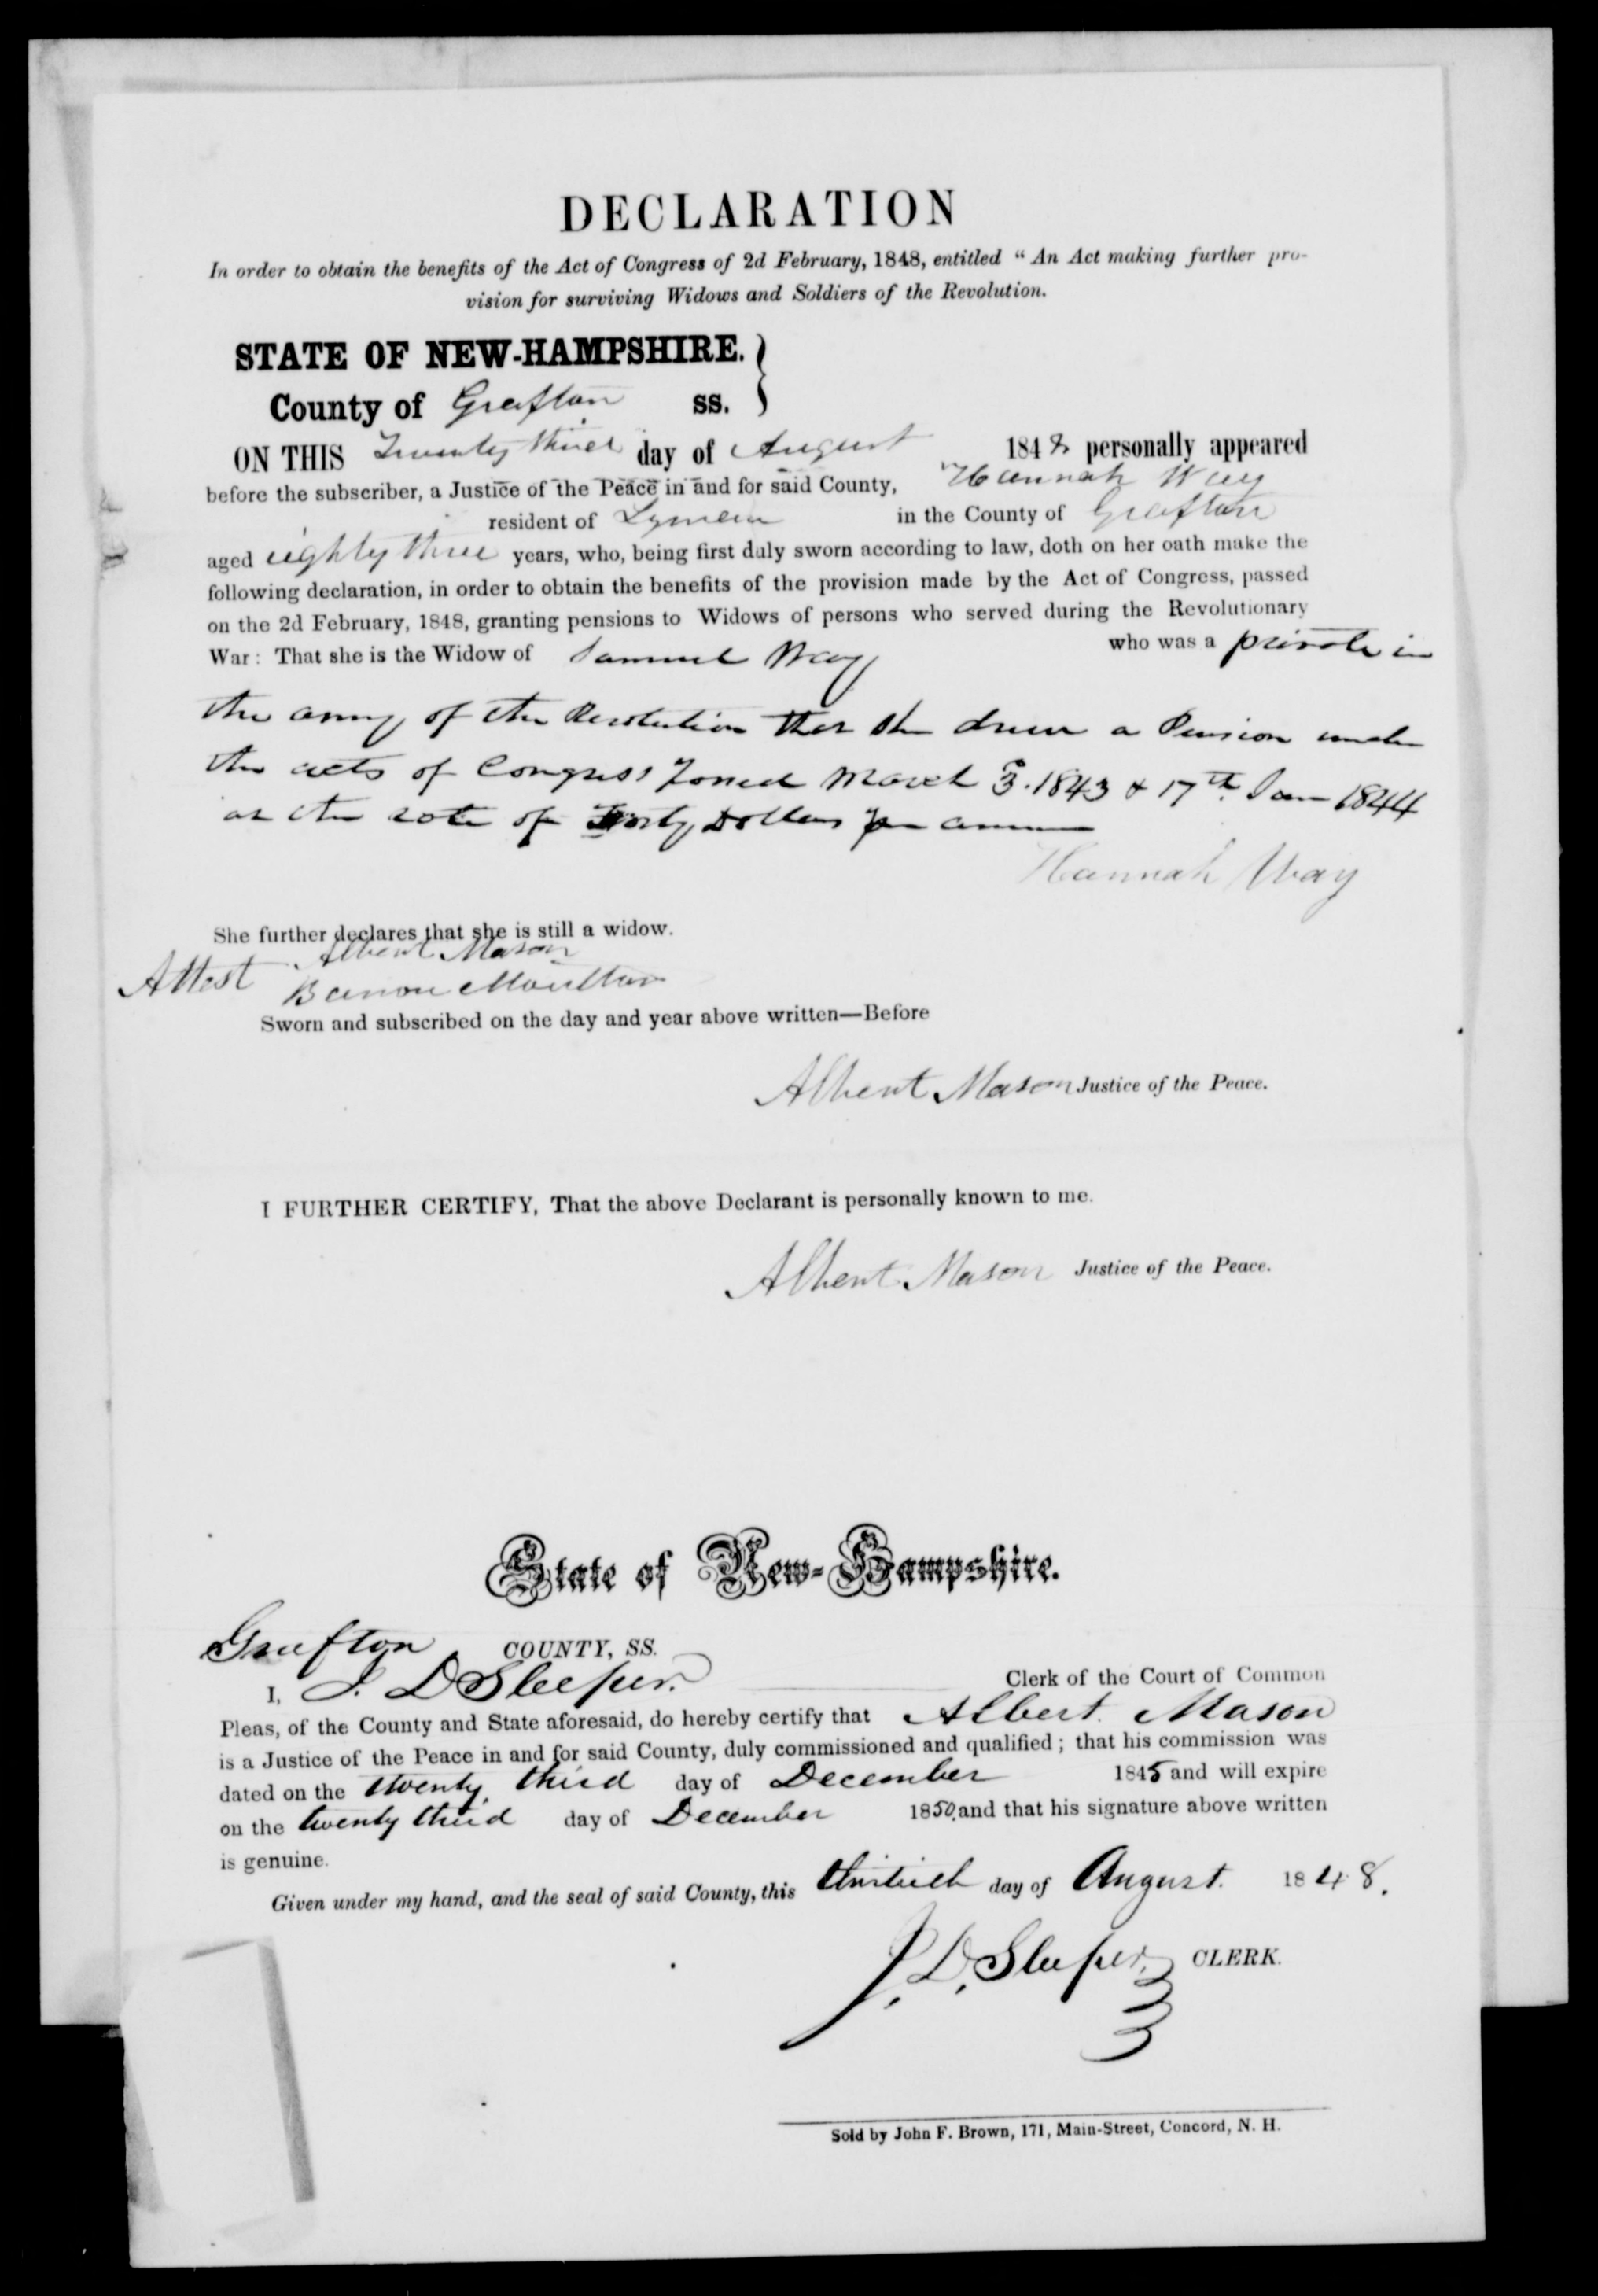DECLARATION
In order to obtain the benefits of the Act of Congress of 2d February, 1848, entitled" An Act making further provision
for surviving Widows and Soldiers of the Revolution.
STATE OF NEW-HAMPSHIRE.
County of Grafton
ss.
ON THIS Twenty third day of August
184 & personally appeared
before the subscriber, a Justice of the Peace in and for said County, Hannah Wills
resident of Lymen
in the County of Grafton
aged eighty three years, who, being first duly sworn according to law, doth on her oath make the
following declaration, in order to obtain the benefits of the provision made by the Act of Congress, passed
on the 2d February, 1848, granting pensions to Widows of persons who served during the Revolutionary War
: That she is the Widow of Samuel Way
who was a private in
the army of the Revolution that she drew a pension under the
act of Congress found March 3, 1843 & 17th June 1844
at the rate of Forty Dollars
Hannah Way
She
Attest
further declares that she is still a widow.
Baron Moulder
Sworn and subscribed on the day and year above written- Before
Albert Mason Justice of the Peace
FURTHER CERTIFY, That the above Declarant is personally known to me.
Albert Mason Justice of the Peace
Grafton
State of New Hampshire
COUNTY, SS.
J. D. Sleeper.
Clerk of the Court of Common
Pleas, of the County and State aforesaid, do hereby certify that Albert Mason
is a Justice of the Peace in and for said County, duly commissioned and qualified; that his commission was
dated on the twenty third day of December
1845 and will expire
on the twenty third day of December 1858, and that his signature above written
is genuine
Given under my hand, and the seal of said County, this thirtieth day of August 1848
D. Sleeper Clerk
Sold by John F. Brown, 171, Main Street, Concord, N. H.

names: Hannah Way, Barron Moulton, Samuel Way, J D Sleeper, John F Brown, Albert Mason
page: 23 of 78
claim: widow's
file: W. 25856, Samuel Way, N.H.